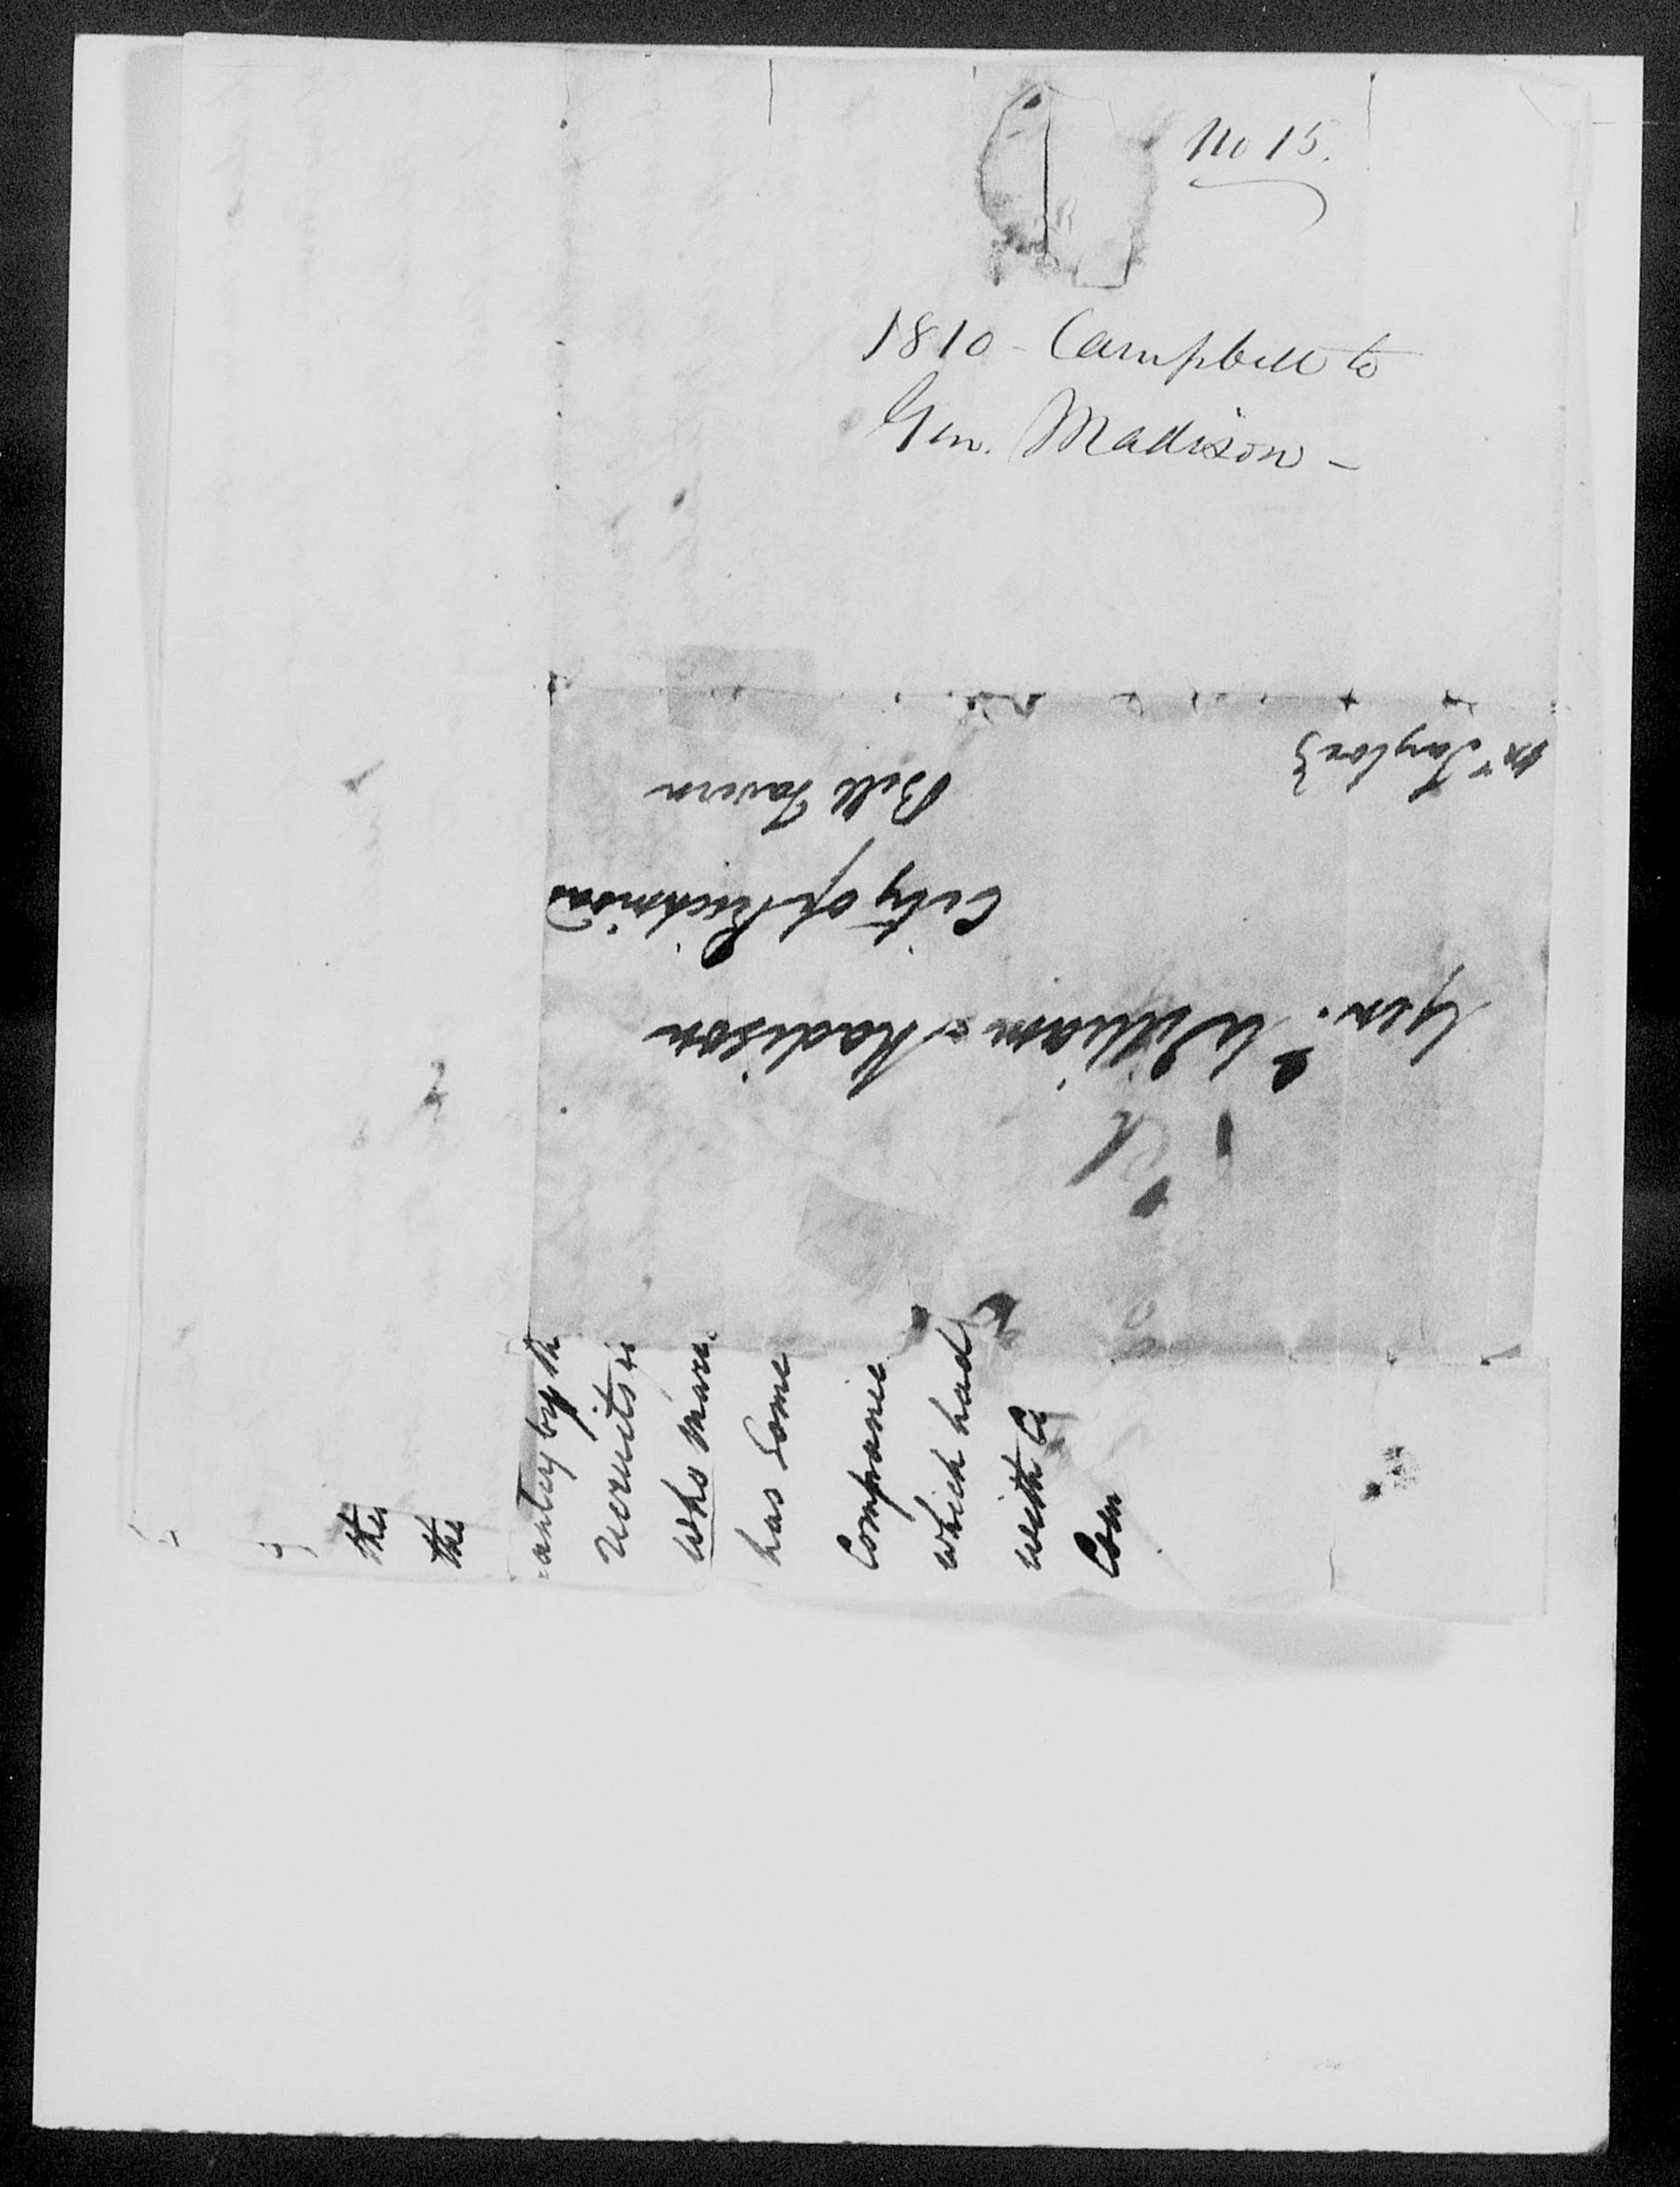No 15

1810   Campbell to Gen. Madison __


[the following letter address is written upside down with reference to the "no 15" writing]

Gen. William Madison
City of Richmond 
Bell Tavern

Mr Taylor [at bottom left of address]

[there is also some unintelligible writing visible on another sheet of paper behind this letter address - probably inadvertently placed behind the documents of interest during copying]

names: William Madison, Campbell, Madison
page: 93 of 267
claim: widow's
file: W. 4,149, William Campbell, Va.